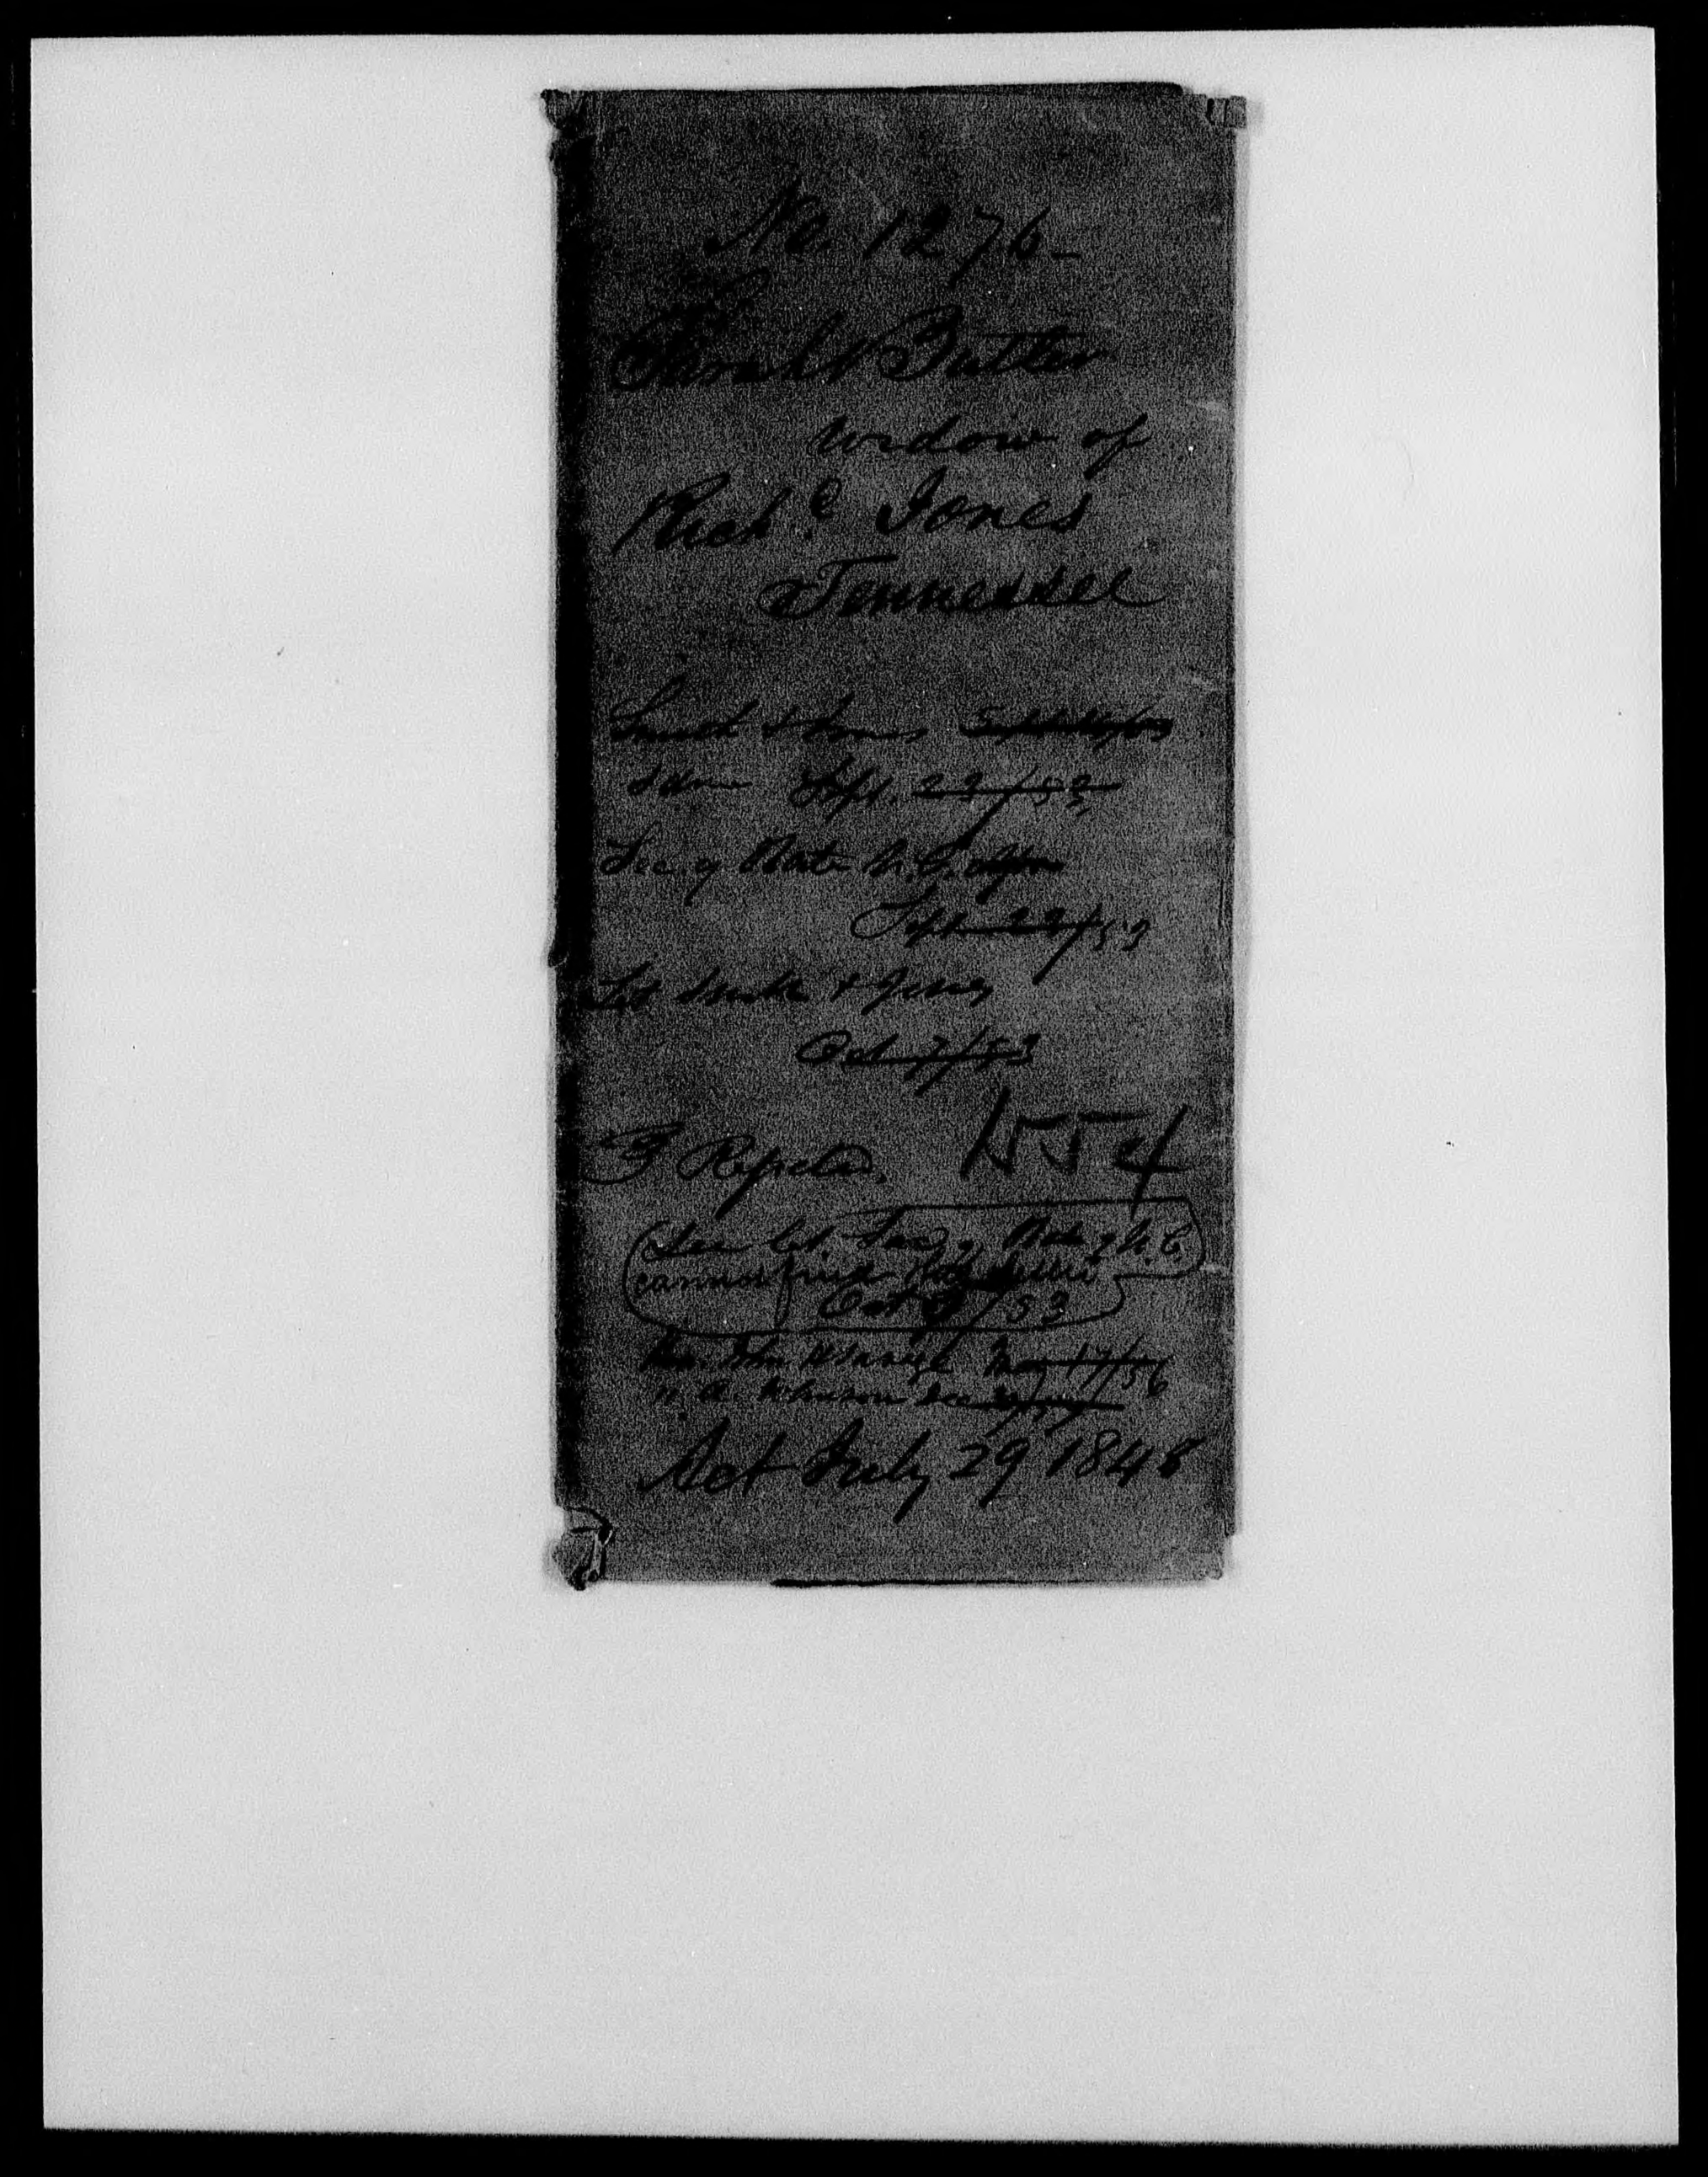[page is very dark]

No 1274
Sarah Butler
widow of 
Richd Jones 
Tennessee

Smith & Jones Tennessee
same Sept 23/53
Secty State N.C. office
Sept 23/53
Let Smith & Jones
Oct 7/53
[illegible] Rejected 1554
See let Sec of State N.C.
cannot find [illegible]
Oct 9/53
[illegible] May 17/56
[entire line illegible]
Act July 29,1848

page: 14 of 33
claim: rejected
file: R. 1554, for Richard Jones, North Carolina